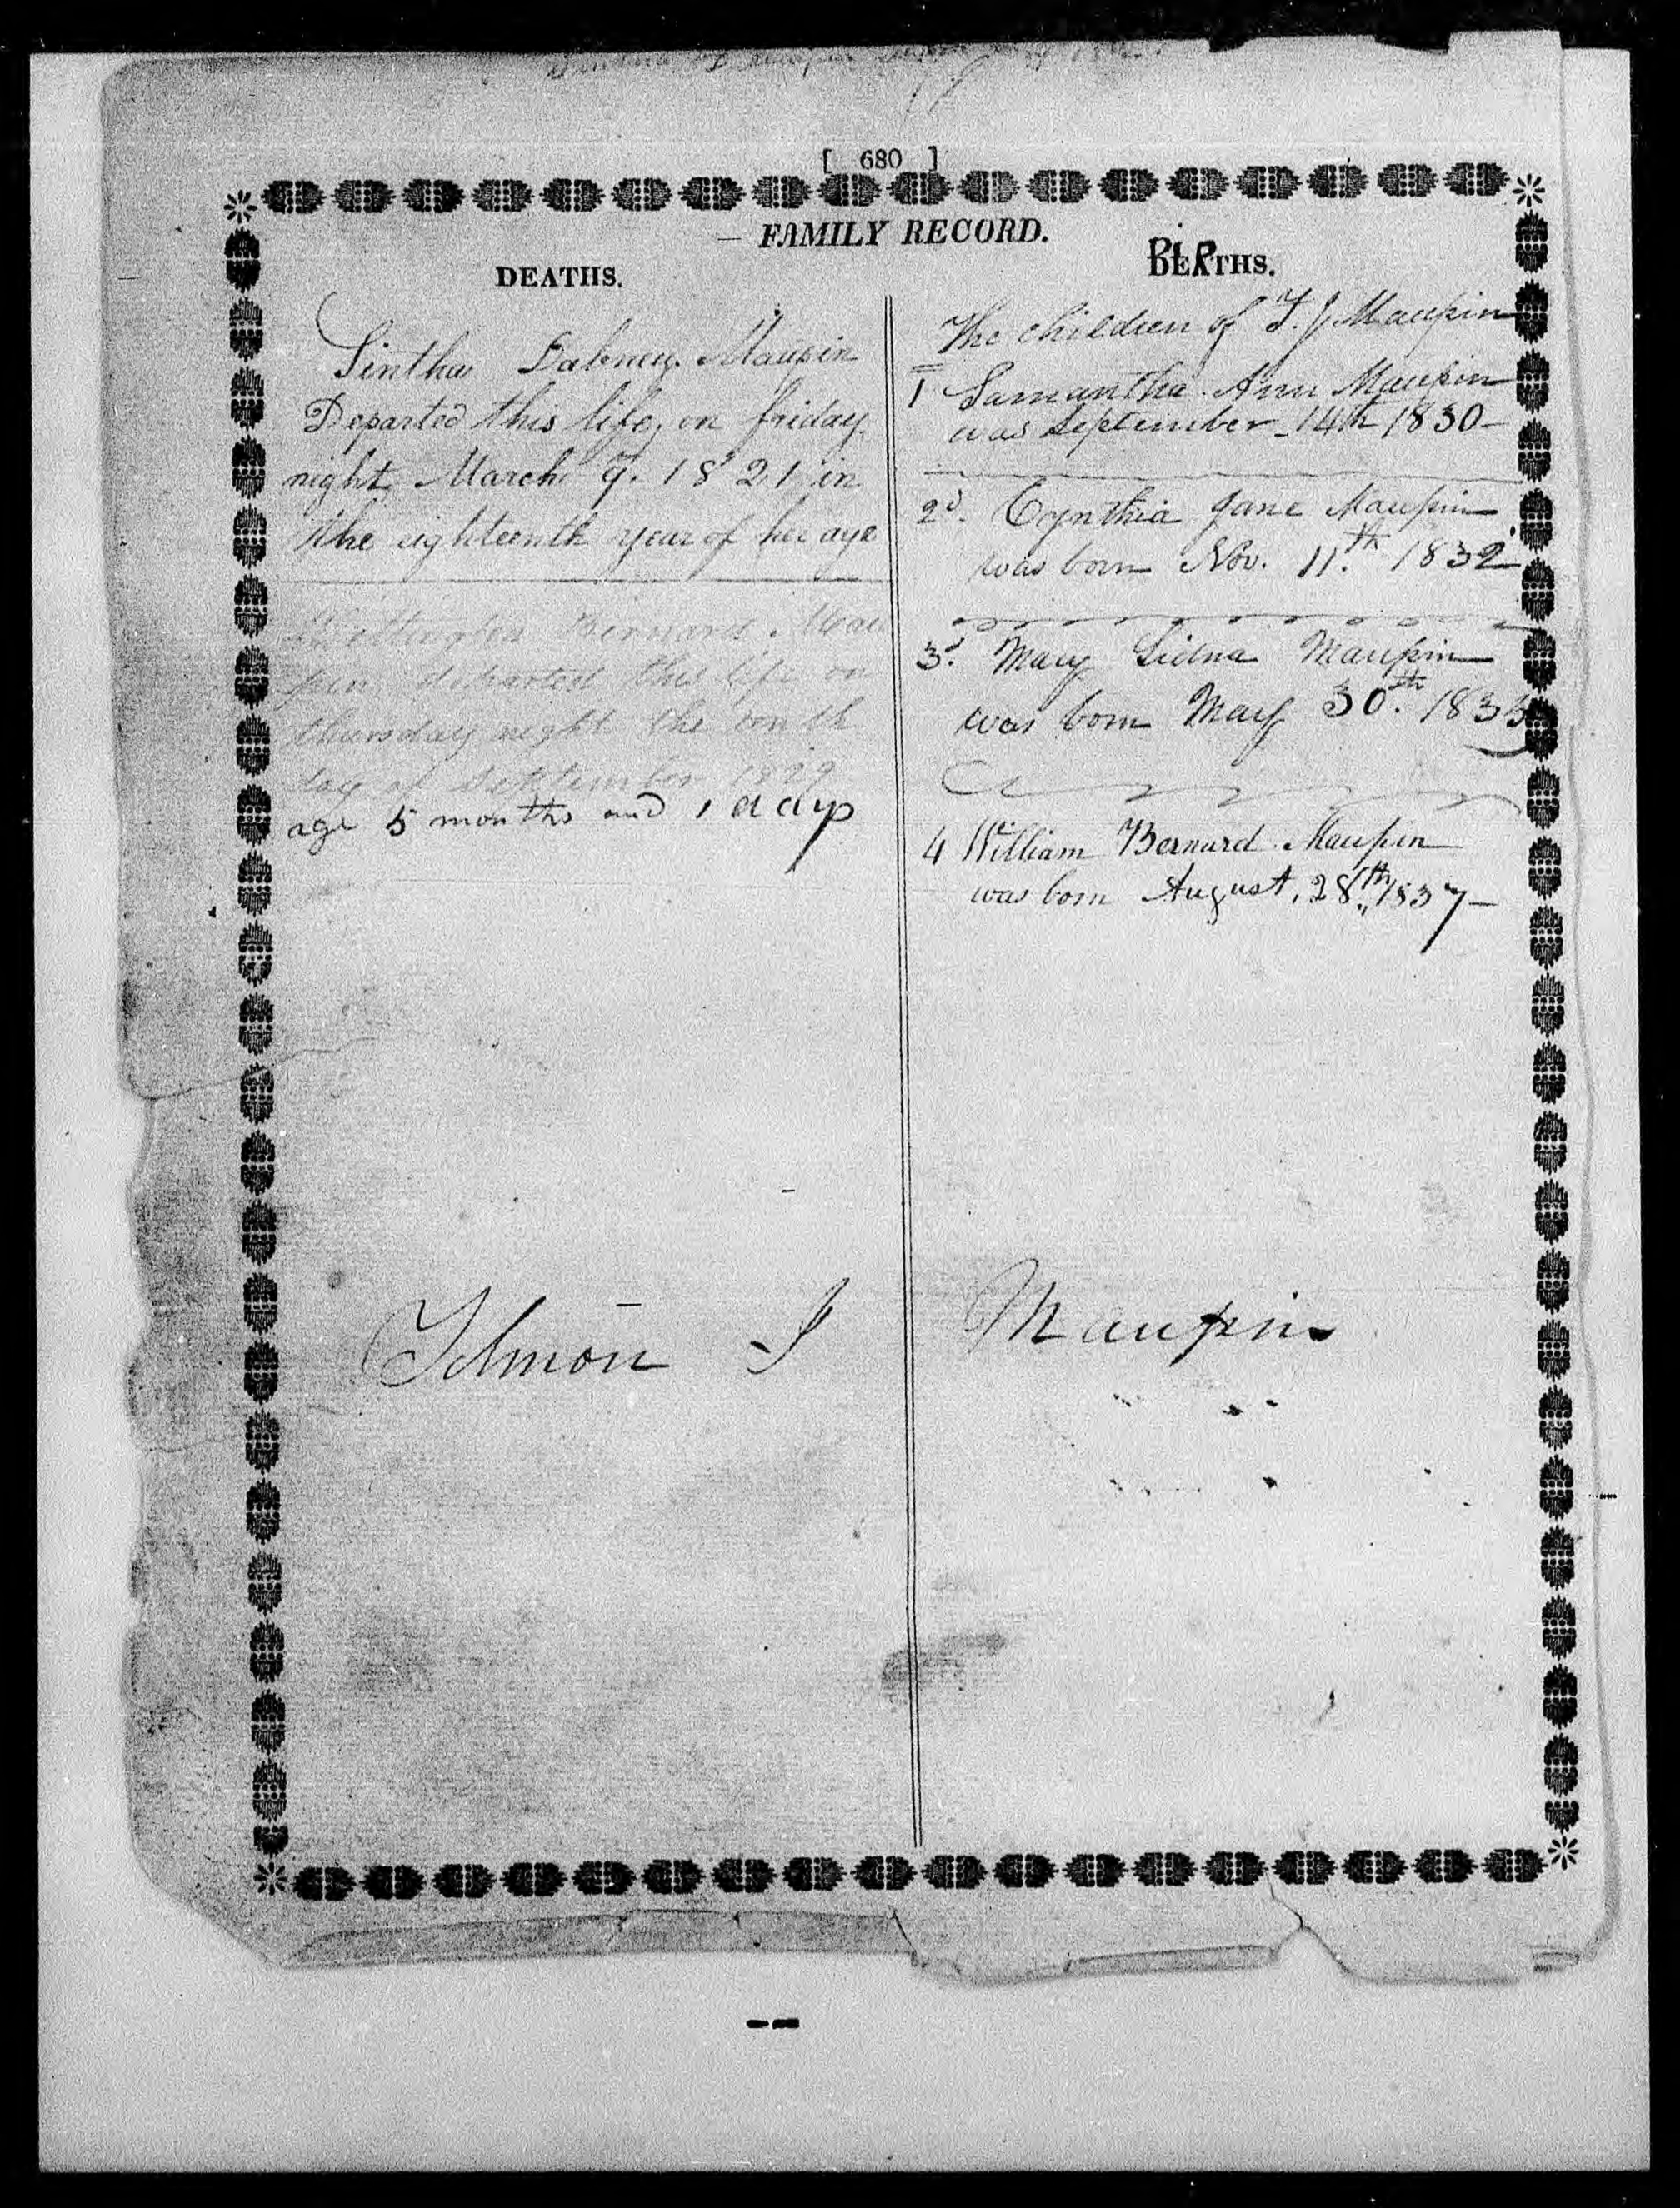(680)
FAMILY RECORD.

[On the left side of the page.]   

DEATHS.
Sintha Dabney Maupin
Departed this life, on Friday
night March 9th,1821 in
the eighteenth year of age

[illegible] Bernard Maupin
departed this life on
Thursday night the tenth
day of September 1829
age 5 months and 1 days

[On the right side of the page.]
BIRTHS.
The children of T. J Maupin
1. Samantha Ann Maupin
   was September 14th 1830.
2'd. Cynthia Jane Maupin
   was born Nov. 11th 1832.
3rd. Mary Sidna Maupin
   was born May 30th 1833.
 4 William Bernard Maupin
was born August 28th 1837.

Tilmon J Maupin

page: 9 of 28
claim: widow's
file: W. 5112, for Samuel Jamieson, Virginia